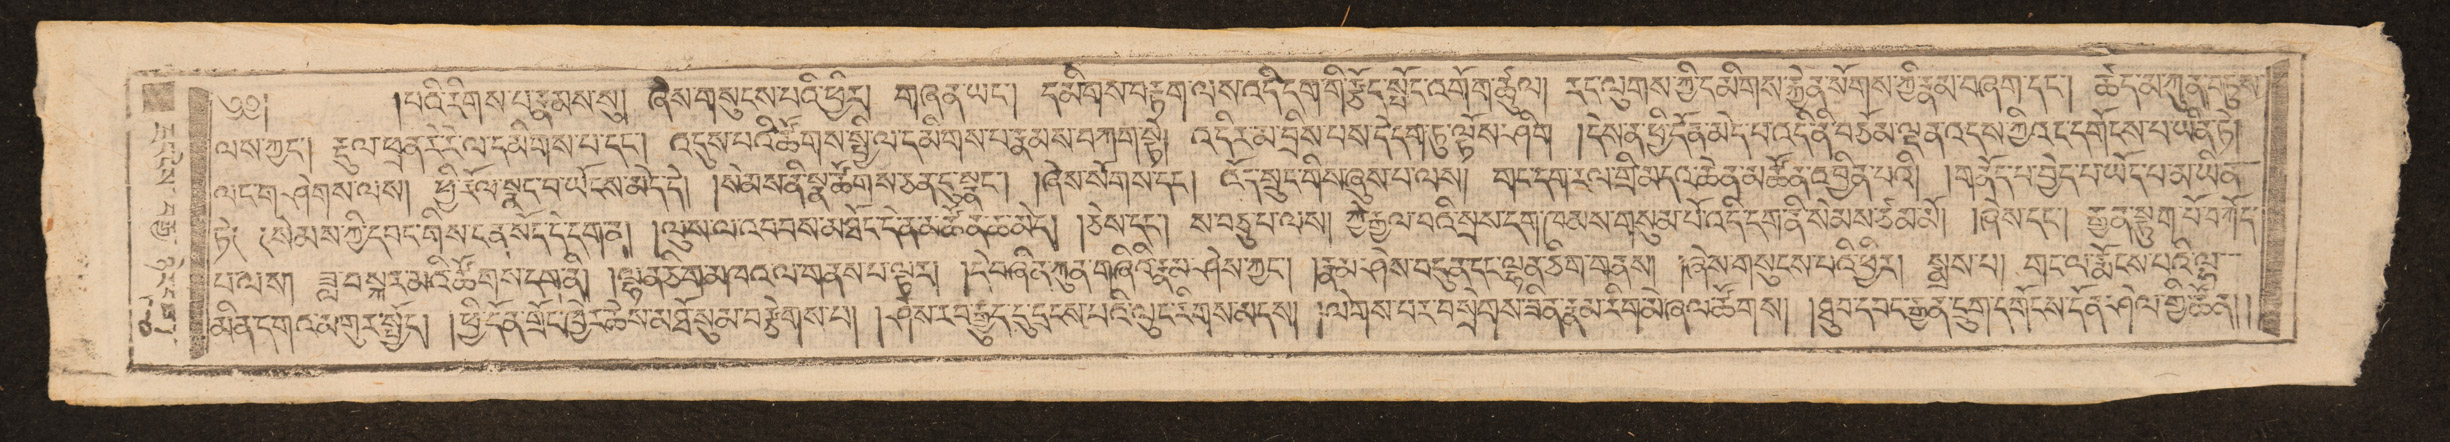༄༅། །པའི་རིགས་པ་རྣམས་སུ། ཞེས་གསུངས་པའི་ཕྱིར། གཞན་ཡང་། དམིགས་བརྟག་ལས་འདི་དག་གི་རྩོད་སྤོང་འགོག་ཚུལ། རང་ལུགས་ཀྱི་དམིགས་རྐྱེན་སོགས་ཀྱི་རྣམ་བཞག་དང་། ཚད་མ་ཀུན་བཏུས་
ལས་ཀྱང་། རྡུལ་ཕྲན་རེ་རེ་ལ་དམིགས་པ་དང་། འདུས་པའི་ཚོགས་སྤྱི་ལ་དམིགས་པ་རྣམས་བཀག་སྟེ། འདིར་མ་བྲིས་པས་དེ་དག་ཏུ་ལྟོས་ཤིག །དེས་ན་ཕྱི་དོན་མེད་པ་འདི་ནི་བཅོམ་ལྡན་འདས་ཀྱིའང་དགོངས་པ་ཡིན་ཏེ།
ལང་གཤེགས་ལས། ཕྱི་རོལ་སྣང་བ་ཡོངས་མེད་དེ། །སེམས་ནི་སྣ་ཚོགས་ཅན་དུ་སྣང་། །ཞེས་སོགས་དང་། འོད་སྲུང་གིས་ཞུས་པ་ལས། གང་དག་རལ་གྲི་མདའ་ཆེན་མཚོན་འབྱིན་པའི། །གནོད་པ་བྱེད་པ་ཡོད་པ་མ་ཡིན་
ཏེ༑ ༑སེམས་ཀྱི་དབང་གིས་ངན་སོང་དེ་དག་ན། །ལུས་ལ་འབབས་མཐོང་དེ་ན་མཚོན་ཆ་མེད། །ཅེས་དང་། ས་བཅུ་པ་ལས། ཀྱེ་རྒྱལ་བའི་སྲས་དག་ཁམས་གསུམ་པོ་འདི་དག་ནི་སེམས་ཙམ་མོ། །ཞེས་དང་། རྒྱན་སྟུག་པོ་བཀོད་
པ་ལས། ཟླ་བ་སྐར་མའི་ཚོགས་དག་ནི། །ལྷན་ཅིག་མཁའ་ལ་གནས་པ་ལྟར། །དེ་བཞིན་ཀུན་གཞིའི་རྣམ་ཤེས་ཀྱང་། །རྣམ་ཤེས་བདུན་དང་ལྷན་ཅིག་གནས། །ཞེས་གསུངས་པའི་ཕྱིར། སྨྲས་པ། གང་ལ་རྨོངས་པའི་ལྷ་
མིན་དགའ་མགུར་སྤྱོད། །ཕྱི་དོན་གྲོང་ཁྱེར་ཆེས་མཐོ་སུམ་བརྩེགས་པ། །ཤེས་རབ་རྒྱུད་དུ་དྲངས་པའི་ལུང་རིགས་མདས། །ལེགས་པར་བསྲེགས་ཟིན་རྣམ་རིག་མེ་ཞལ་ཚོགས། །ཐུབ་དབང་རྒྱན་དྲུག་དགོངས་དོན་ཤེལ་གྱི་ཚོན།།